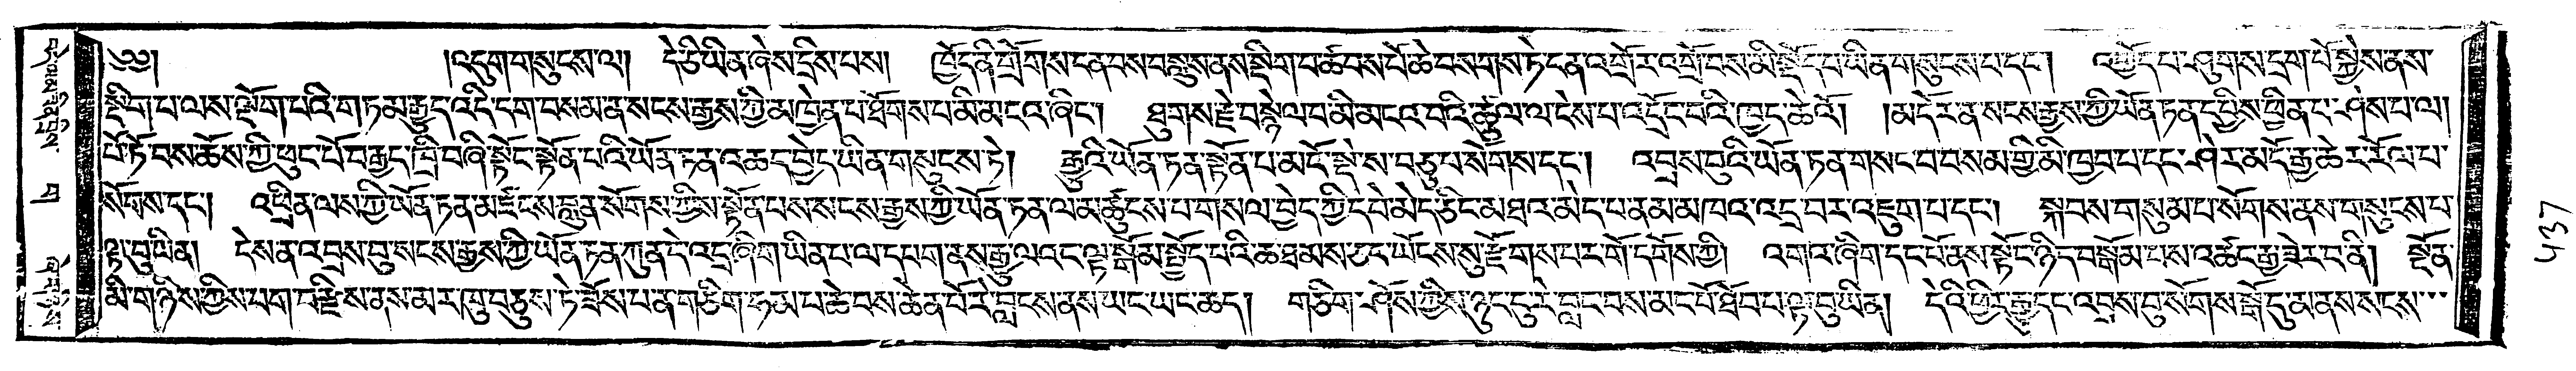༄༅། །འདུག་གསུངས་ལ། དེ་ཅི་ཡིན་ཞེས་དྲིས་པས། ཁྱོད་ནི་གྲོགས་ངན་བས་བསླུས་ནས་སྡིག་པ་ཚབས་པོ་ཆེ་བསགས་ཏེ་ངན་འགྲོར་འགྲོ་བས་མི་སྡོད་པ་ཡིན་གསུངས་པ་དང་། འགྱོད་པ་ཤུགས་དྲག་པོ་སྐྱེས་ནས་
སྡིག་པ་ལས་ལྡོག་པའི་གཏམ་རྒྱུད་འདི་དག་བསམ་ན་སངས་རྒྱས་ཀྱི་མཁྱེན་པ་ཐོགས་པ་མི་མངའ་ཞིང་། ཐུགས་རྗེ་བསྙེལ་བ་མི་མངའ་བའི་ཚུལ་ལ་ངེས་པ་འདྲོང་བའི་ཁྱད་ཆེའོ། །མདོར་ན་སངས་རྒྱས་ཀྱི་ཡོན་ཏན་དཔྱིས་ཕྱིན་པ་ཤེས་པ་ལ།
པོ་ཏོ་བས་ཆོས་ཀྱི་ཕུང་པོ་བརྒྱད་ཁྲི་བཞི་སྟོང་སྟོན་པའི་ཡོན་ཏན་འཆད་བྱེད་ཡིན་གསུངས་ཏེ། རྒྱུའི་ཡོན་ཏན་སྟོན་པ་མདོ་སྡེ་ས་བཅུ་པ་སོགས་པ་དང་། འབྲས་བུའི་ཡོན་ཏན་གསང་བ་བསམ་གྱི་མི་ཁྱབ་པ་དང་ཤེར་མདོ་རྒྱ་ཆེར་རོལ་པ་
སོགས་དང་། འཕྲིན་ལས་ཀྱི་ཡོན་ཏན་མཛངས་བླུན་སོགས་ཀྱིས་སྟོན་པས་སངས་རྒྱས་ཀྱི་ཡོན་ཏན་ལ་མཚུངས་པ་གསལ་བྱེད་ཀྱི་དཔེ་མེད་ཅིང་མཐའ་མེད་པ་ན་མཁའ་འདྲ་བར་འཇུག་པ་དང་། སྐབས་གསུམ་པ་སོགས་ནས་གསུངས་པ་
ལྟ་བུ་ཡིན། དེས་ན་འབྲས་བུ་སངས་རྒྱས་ཀྱི་ཡོན་ཏན་ཀུན་དེ་འདྲ་ཞིག་ཡིན་པ་ལ་དཔག་ནས་རྒྱུ་ལའང་ལྟ་སྒོམ་སྤྱོད་པའི་ཆ་ཐམས་ཅད་ཡོངས་སུ་རྫོགས་པར་གོ་དགོས་ཀྱི། འགའ་ཞིག་དང་པོ་ནས་སྟོང་ཉིད་བསྒོམ་པས་འཚང་རྒྱ་ཟེར་བ་ནི། སྔོན་
མི་གཉིས་ཀྱིས་པག་བརྫིས་ནས་མར་ཁུ་བཅུས་ཏེ་ཟོས་པ་ན་གཅིག་ཧམ་པ་ཆེ་བས་ཆེན་པོ་རེ་བླངས་ནས་ཡང་ཡང་ཆད། གཅིག་ཤོས་ཀྱིས་ཉུང་ངུ་རེ་བླང་བས་མང་པོ་ཐོབ་པ་ལྟ་བུ་ཡིན། དེའི་ཕྱིར་རྒྱུ་དང་འབྲས་བུ་སོགས་སྒོ་དུ་མ་ནས་སངས་